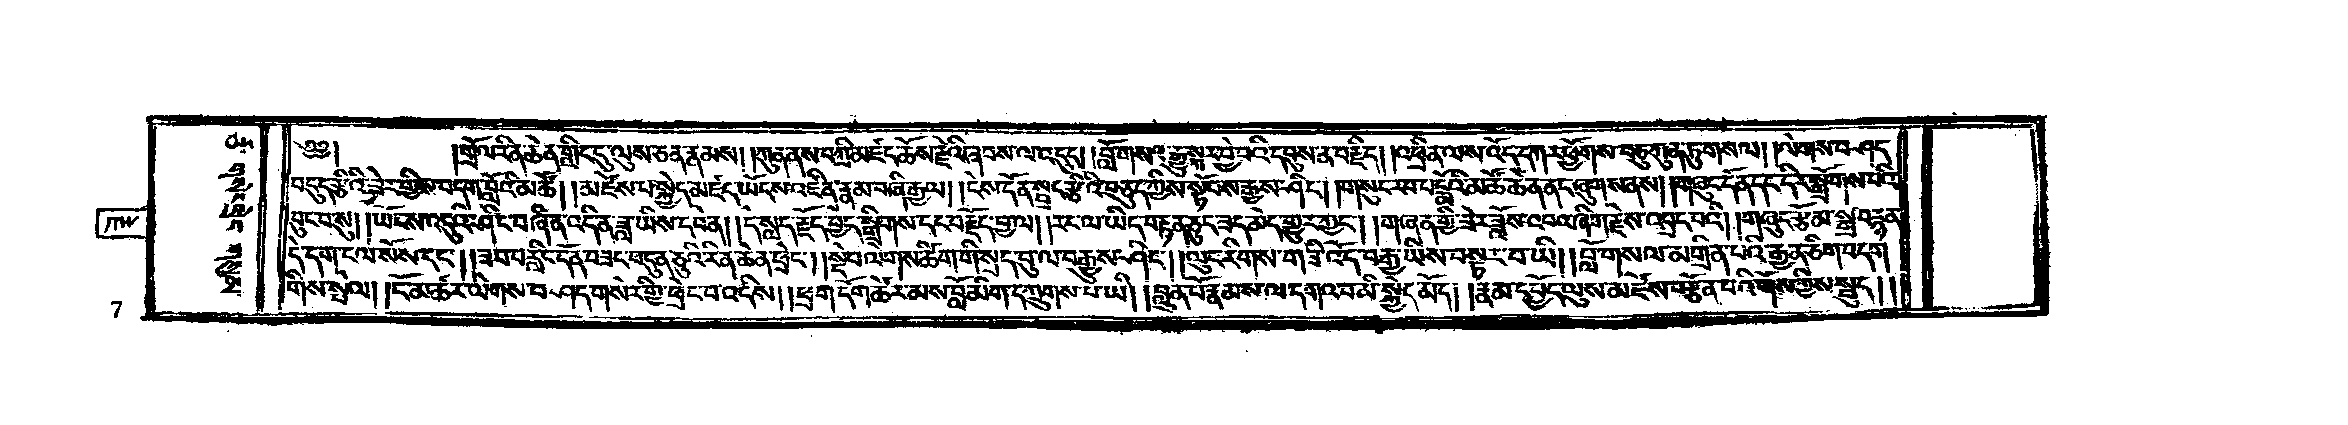༄༅། །གྲོལ་རིན་ཆེན་གླིང་དུ་ལུས་ཅན་རྣམས། །ཀུན་ནས་བཀྲི་མཛད་ཆོས་རྗེའི་ཞབས་ལ་འདུད། །བློ་གསལ་རྒྱུ་སྐར་བྱེ་བའི་དབུས་ན་བརྗིད། །འཕྲིན་ལས་འོད་དཀར་ཕྱོགས་བཅུ་ཀུན་ཏུ་གསལ། །ལེགས་བཤད་
བདུད་རྩིའི་ཟེར་གྱིས་བདག་བློའི་མཚོ། །མཛེས་པ་སྐྱེད་མཛད་ཡོངས་འཛིན་རྣམ་བཞི་རྒྱལ། །ངེས་དོན་སྦྲང་རྩིའི་བཅུད་ཀྱིས་སྟོབས་རྒྱས་ཤིང་། །གསུང་རབ་པདམོའི་མཚོ་ཆེན་ནང་ཞུགས་ནས། །གཞུང་དོན་དང་དིར་སྒྲོགས་པའི་
བུང་བ་སུ། །ཡོངས་འདུའི་ཤིང་བཞིན་འདི་ན་ཟླ་ཡིས་དབེན། །དེ་སླད་རྗོད་བྱེད་སྒྲིགས་དང་བརྗོད་བྱ་ལ། །ངང་ལ་ཡིད་བརྟན་ཅུང་ཟད་མེད་གྱུར་ཀྱང་། །གཞན་གྱི་ཟེར་ཟློས་འབའ་ཞིག་རྗེས་འབྲང་བའི། །གཞུང་རྩོམ་སྒྲ་བརྙན་
དེ་དག་ངལ་སོས་དང་། །ཟབ་བརླིང་དོན་བཟང་བདུན་ཅུའི་རིན་ཆེན་ཕྲེང་། །སྡེབ་ལེགས་ཚིག་གི་སྲད་བུ་ལ་བརྒྱུས་ཤིང་། །ལུང་རིགས་གཟི་འོད་བརྒྱ་ཡིས་བསྟར་བ་ཡི། །བློ་གསལ་མགྲིན་པའི་རྒྱན་ཅིག་བདག་
གིས་སྤེལ། །ངོ་མཚར་ལེགས་བཤད་གསེར་གྱི་ཕྲེང་བ་འདིས། །ཕྲག་དོག་ཚེར་མས་བློ་མིག་དཀྲུགས་པ་ཡི། །བླུན་པོ་རྣམས་ལ་དགའ་བ་མི་སྐྱེད་མོད། །རྣམ་དཔྱོད་ལུས་མཛེས་བརྩོན་པའི་གོས་ཀྱིས་སྤུད། །